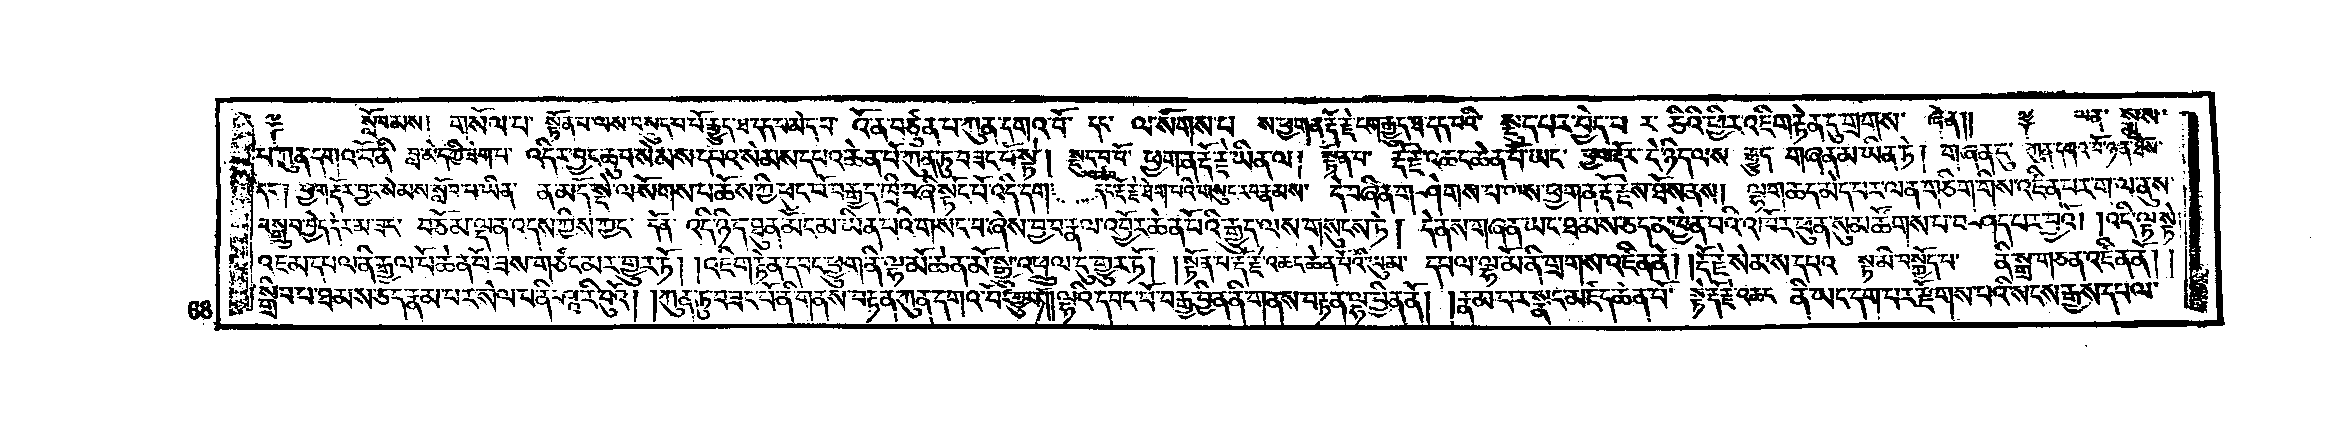སློབ་མས། གསོལ་པ་སྟོན་པ་ལས་བསྡུད་པ་པོ་རྒྱུད་ཐ་དད་པ་མེད་པ་འོ་ན་བཙུན་པ་ཀུན་དགའ་བོ་དང་ལ་སོགས་པ་ས་ཕྱག་ན་རྡོ་རྗེ་དག་རྒྱུད་ཐ་དད་པའི་སྡུད་པར་བྱེད་པ་ནི་ཅིའི་ཕྱིར་འཇིག་རྟེན་དུ་གྲགས་ཞེ་ན།། ༈ ལན་སྨྲས་
པ་ཀུན་དགའ་བོ་ནི་བླ་མེད་ཀྱི་ཐེག་པ་འདིར་བྱང་ཆུབ་སེམས་དཔའ་སེམས་དཔའ་ཆེན་པོ་ཀུན་ཏུ་བཟང་པོ་སྟེ། སྡུད་པ་པོ་ཕྱག་ན་རྡོ་རྗེ་ཡིན་ལ། སྟོན་པ་རྡོ་རྗེ་འཆང་ཆེན་པོ་ཡང་ཕྱག་རྡོར་དེ་ཉིད་ལས་རྒྱུད་གཞན་མ་ཡིན་ཏེ། གཞན་དུ་ཀུན་དགའ་བོ་ཉན་ཐོས་
དང་། ཕྱག་རྡོར་བྱང་སེམས་སློབ་པ་ཡིན་ན་མདོ་སྡེ་ལ་སོགས་པ་ཆོས་ཀྱི་ཕུང་པོ་བརྒྱད་ཁྲི་བཞི་སྟོང་པོ་འདི་དག་དང་རྡོ་རྗེ་ཐེག་པའི་གསུང་རབ་རྣམས་དེ་བཞིན་གཤེགས་པ་ལས་ཕྱག་ན་རྡོ་རྗེས་ཐོས་ནས། ལྷག་ཆད་མེད་པར་ལན་གཅིག་གིས་འཛིན་པར་ག་ལ་ནུས་
བསྒྲུབ་བྱེད་དེར་མ་ཟད་བཅོམ་ལྡན་འདས་ཀྱིས་ཀྱང་དོན་འདི་ཉིད་ཐུན་མོངས་མ་ཡིན་པའི་གསང་བ་ཞེས་བྱ་བ་རྣལ་འབྱོར་ཆེན་པོའི་རྒྱུད་ལས་གསུངས་ཏེ། དེ་ནས་གཞན་ཡང་ཐམས་ཅད་མཁྱེན་པའི་འཁོར་ཕུན་སུམ་ཚོགས་པ་བཤད་པར་བྱའོ། །འདི་ལྟ་སྟེ་
འཇམ་དཔལ་ནི་རྒྱལ་པོ་ཆེན་པོ་ཟས་གཙང་མར་གྱུར་ཏོ། །འཇིག་རྟེན་དབང་ཕྱུག་ནི་ལྷ་མོ་ཆེན་མོ་སྒྱུ་འཕྲུལ་དུ་གྱུར་ཏོ། །སྟོན་པ་རྡོ་རྗེ་འཆང་ཆེན་པོའི་ཡུམ་དཔལ་ལྷ་མོ་ནི་གྲགས་འཛིན་ནོ། །རྡོ་རྗེ་སེམས་དཔའ་སྟ་མི་བསྐྱོད་པ་ནི་སྒྲ་གཅན་འཛིན་ནོ། །
སྒྲིབ་པ་ཐམས་ཅད་རྣམ་པར་སེལ་པ་ནི་ཤཱ་རི་བུའོ། །ཀུན་ཏུ་བཟང་པོ་ནི་གནས་བརྟན་ཀུན་དགའ་བོར་གྱུར་ཏོ། །ལྷའི་དབང་པོ་བརྒྱ་བྱིན་ནི་གནས་བརྟན་ལྷ་བྱིན་ནོ། །རྣམ་པར་སྣང་མཛད་ཆེན་པོ་སྟེ་རྡོ་རྗེ་འཆང་ནི་ཡང་དག་པར་རྫོགས་པའི་སངས་རྒྱས་དཔལ་